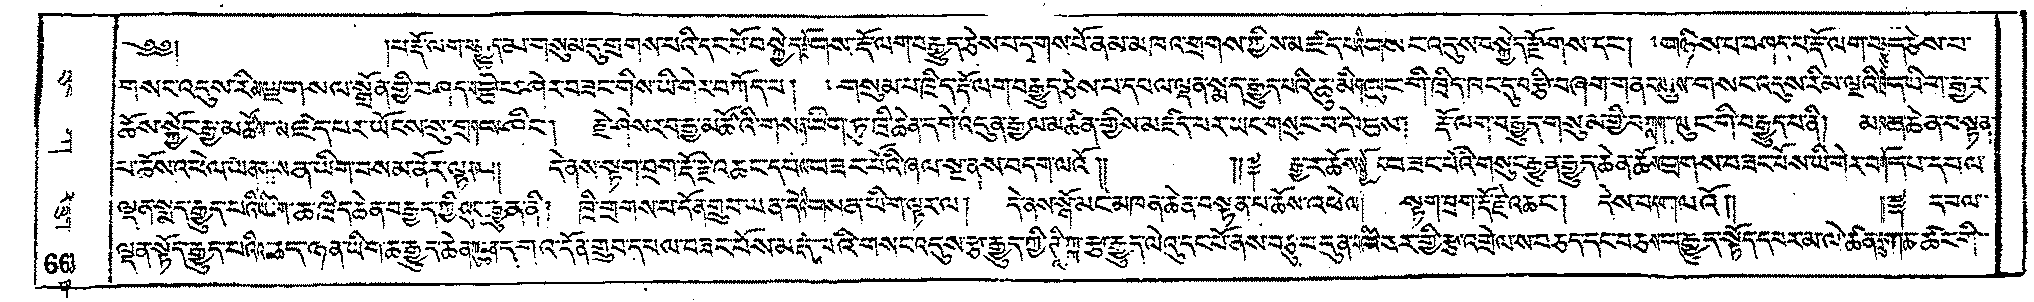༄༅། །པ་རྡོ་ལག་བརྒྱུད་མ་གསུམ་དུ་གྲགས་པའི་དང་པོ་བསྐྱེད་རྫོགས་རྡོ་ལག་བརྒྱུད་ཅེས་པ་དྭགས་པོ་ནམ་མཁའ་གྲགས་ཀྱིས་མཛད་པའི་གསང་འདུས་བསྐྱེད་རྫོགས་དང་། ༧གཉིས་པ་བཤད་པ་རྡོ་ལག་བརྒྱུད་ཅེས་པ་
གསང་འདུས་རིམ་ལྔ་གསལ་སྒྲོན་གྱི་བཤད་པ་རྩེ་པ་ཤེར་བཟང་གིས་ཡི་གེར་བཀོད་པ། ༧གསུམ་པ་ཁྲིད་རྡོ་ལག་བརྒྱུད་ཅེས་པ་དཔལ་ལྡན་སྨད་རྒྱུད་པའི་ཆུ་མིག་ལུང་གི་ཁྲིད་ཁང་དུ་བརྩི་བཞག་གནང་མུས་གསང་འདུས་རིམ་ལྔའི་ཁྲིད་ཡིག་རྒྱ་ར་
ཆོས་སྐྱོང་རྒྱ་མཚོས་མཛད་པར་ཡོངས་སུ་གྲགས་ཤིང་། རྗེ་ཤེས་རབ་རྒྱ་མཚོའི་གསན་ཡིག་ཏུ་ཁྲི་ཆེན་དགེ་འདུན་རྒྱལ་མཚན་གྱིས་མཛད་པར་ཡང་གསུང་བ་དེ་བཅས། རྡོ་ལག་བརྒྱུད་གསུམ་གྱི་བཀླག་ལུང་གི་བརྒྱུད་པ་ནི། མཁན་ཆེན་བསྟན་
པ་ཆོས་འཕེལ་ཡན་གསན་ཡིག་བསམ་ནོར་ལྟར་ལ། དེ་ནས་སྟག་བྲག་རྡོ་རྗེ་འཆང་དཔལ་བཟང་པོའི་ཞལ་སྔ་ནས་བདག་ལའོ།། །།འྲྒྱ་ར་ཆོས་སྐྱོང་བཟང་པོའི་གསུང་རྒྱུན་རྒྱུད་ཆེན་ཆོས་གྲགས་བཟང་པོས་ཡི་གེར་བཀོད་པ་དཔལ་
ལྡན་སྨད་རྒྱུད་པའི་ཡིག་ཆ་ཁྲིད་ཆེན་བརྒྱད་ཀྱི་ལུང་རྒྱུན་ནི། ཁྲི་གྲགས་པ་དོན་གྲུབ་ཡན་དེའི་གསན་ཡིག་ལྟར་ལ། དེ་ནས་སྒོ་མང་མཁན་ཆེན་བསྟན་པ་ཆོས་འཕེལ། སྟག་བྲག་རྡོ་རྗེ་འཆང་། དེས་བདག་ལའོ།། །།འ་དཔལ་
ལྡན་སྟོད་རྒྱུད་པའི་འཆད་ཉན་ཡིག་ཆ་རྒྱུད་ཆེན་ཀུན་དགའ་དོན་གྲུབ་དཔལ་བཟང་པོས་མཛད་པའི་གསང་འདུས་རྩ་རྒྱུད་ཀྱི་ཊཱི་ཀྐ་རྩ་རྒྱུད་ལེའུ་དང་པོ་ནས་བཅུ་བདུན་པའི་བར་གྱི་རྩ་འགྲེལ་ས་བཅད་དང་བཅས་པ་རྒྱུད་སྟོད་དཔར་མ་ལེ་ཚན་དྲུག་ཆ་ཚང་གི་